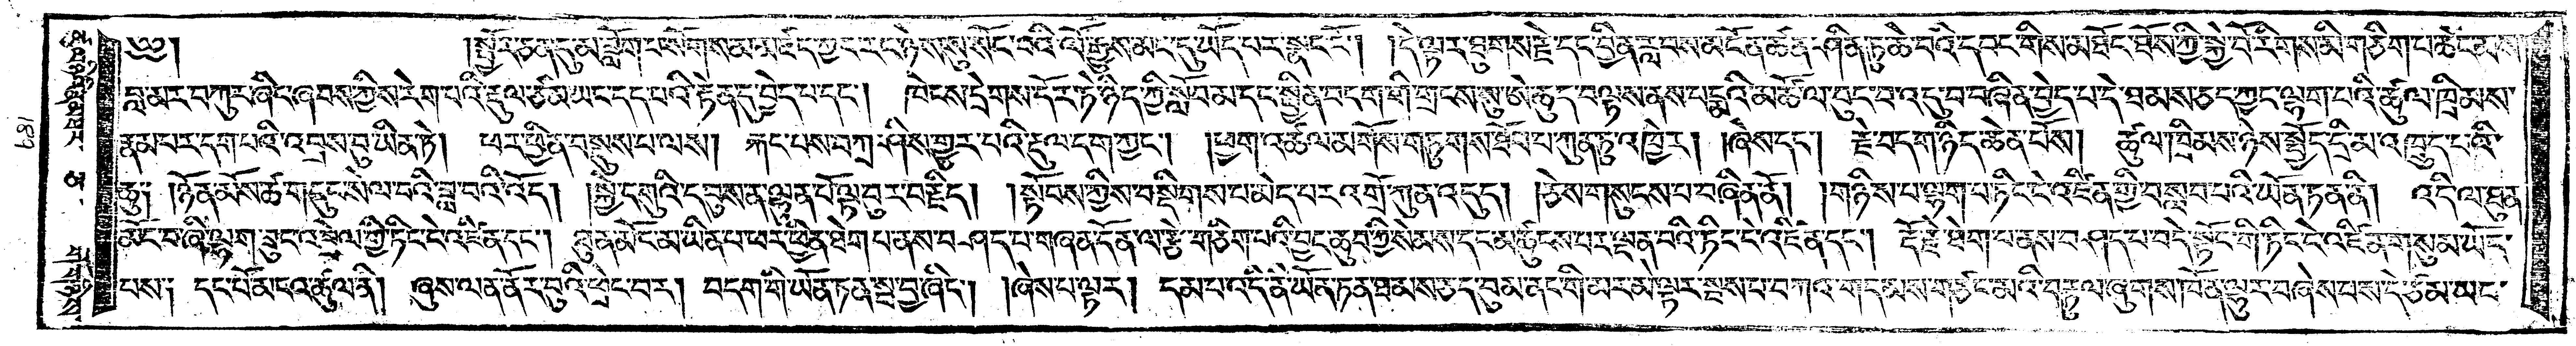༄༅། །སྦྱོར་ཅན་དུ་མ་ཟློག་པ་སོགས་མ་མཛད་ཀྱང་རང་ཉེས་སུ་སོང་བའི་ལོ་རྒྱུས་མང་དུ་ཡོད་པར་སྣང་ངོ། །དེ་ལྟར་ཐུགས་རྗེ་དང་བྱིན་རླབས་མངོན་ཚན་ཤིན་ཏུ་ཆེ་བའི་དབང་གིས་མཐོང་ཐོས་ཀྱི་སྐྱེ་བོ་རིགས་མི་གཅིག་པ་ཚང་མས་
བླ་མར་བཀུར་ཞིང་ཞབས་ཀྱིས་རེག་བའི་རྡུལ་ཙམ་ཡང་དད་པའི་རྟེན་དུ་བྱེད་པ་དང་། ཁེངས་དྲེགས་དོར་ཏེ་ཉིད་ཀྱི་སློབ་མ་དང་སྦྱིན་བདག་གི་གྲངས་སུ་ཨེ་ཆུད་བལྟས་ནས་པདམའི་མཚོ་ལ་བུང་བ་འདུ་བ་བཞིན་བྱེད་པ་དེ་ཐམས་ཅད་ཀྱང་ལྷག་པའི་ཚུལ་ཁྲིམས་
རྣམ་པར་དག་པའི་འབྲས་བུ་ཡིན་ཏེ། ཕར་ཕྱིན་བསྡུས་པ་ལས། རྐང་པས་བཀྲ་ཤིས་གྱུར་པའི་རྡུལ་དག་ཀྱང་། །ཕྱག་འཚལ་མགོས་གཏུགས་ཐོབ་པ་ཀུན་ཏུ་འཁྱེར། །ཞེས་དང་། རྗེ་བདག་ཉིད་ཆེན་པོས། ཚུལ་ཁྲིམས་ཉེས་སྤྱོད་དྲི་མ་འཁྲུད་པའི་
ཆུ༑ །ཉོན་མོས་ཚ་གདུང་སེལ་བའི་ཟླ་བའི་འོད། །སྐྱེ་དགུའི་དབུས་ན་ལྷུན་པོ་ལྟ་བུར་བརྗིད། །སྟོབས་ཀྱིས་བསྡིགས་པ་མེད་པར་འགྲོ་ཀུན་འདུད། །ཅེས་གསུངས་པ་བཞིན་ནོ། །གཉིས་པ་ལྷག་པ་ཏིང་ངེ་འཛིན་གྱི་བསླབ་པའི་ཡོན་ཏན་ནི། འདི་ལ་ཐུ་
མོང་བཞི་ལྷག་ཟུང་འབྲེལ་གྱི་ཏིང་ངེ་འཛིན་དང་། ཐུན་མོང་མ་ཡིན་པ་ཕར་ཕྱིན་ཐེག་པ་ནས་བཤད་པ་གཞན་དོན་ལ་རྩེ་གཅིག་པའི་བྱང་ཆུབ་ཀྱི་སེམས་དང་མཚུངས་བར་ལྡན་བའི་ཏིང་ངེ་འཛིན་དང་། རྡོ་རྗེ་ཐེག་པ་ནས་བཤད་པ་བདེ་སྟོང་གི་ཏིང་ངེ་འཛིན་གསུམ་ཡོད་
བས༑ དང་པོ་མངའ་ཚུལ་ནི། ཞུས་ལན་ནོར་བུའི་ཕྲེང་བར། བདག་གི་ཡོན་ཏན་སྦ་བྱ་ཞིང་། །ཞེས་པ་ལྟར། དམ་པ་འདི་ནི་ཡོན་ཏན་ཐམས་ཅད་བུམ་ནང་གི་མར་མེ་ལྟར་སྦས་པ་བཀའ་གདམས་གཙང་མའི་བརྟུལ་ཞུགས་ཁོན་ལྷུར་བཞེས་པས་དེ་ཙམ་ཡང་